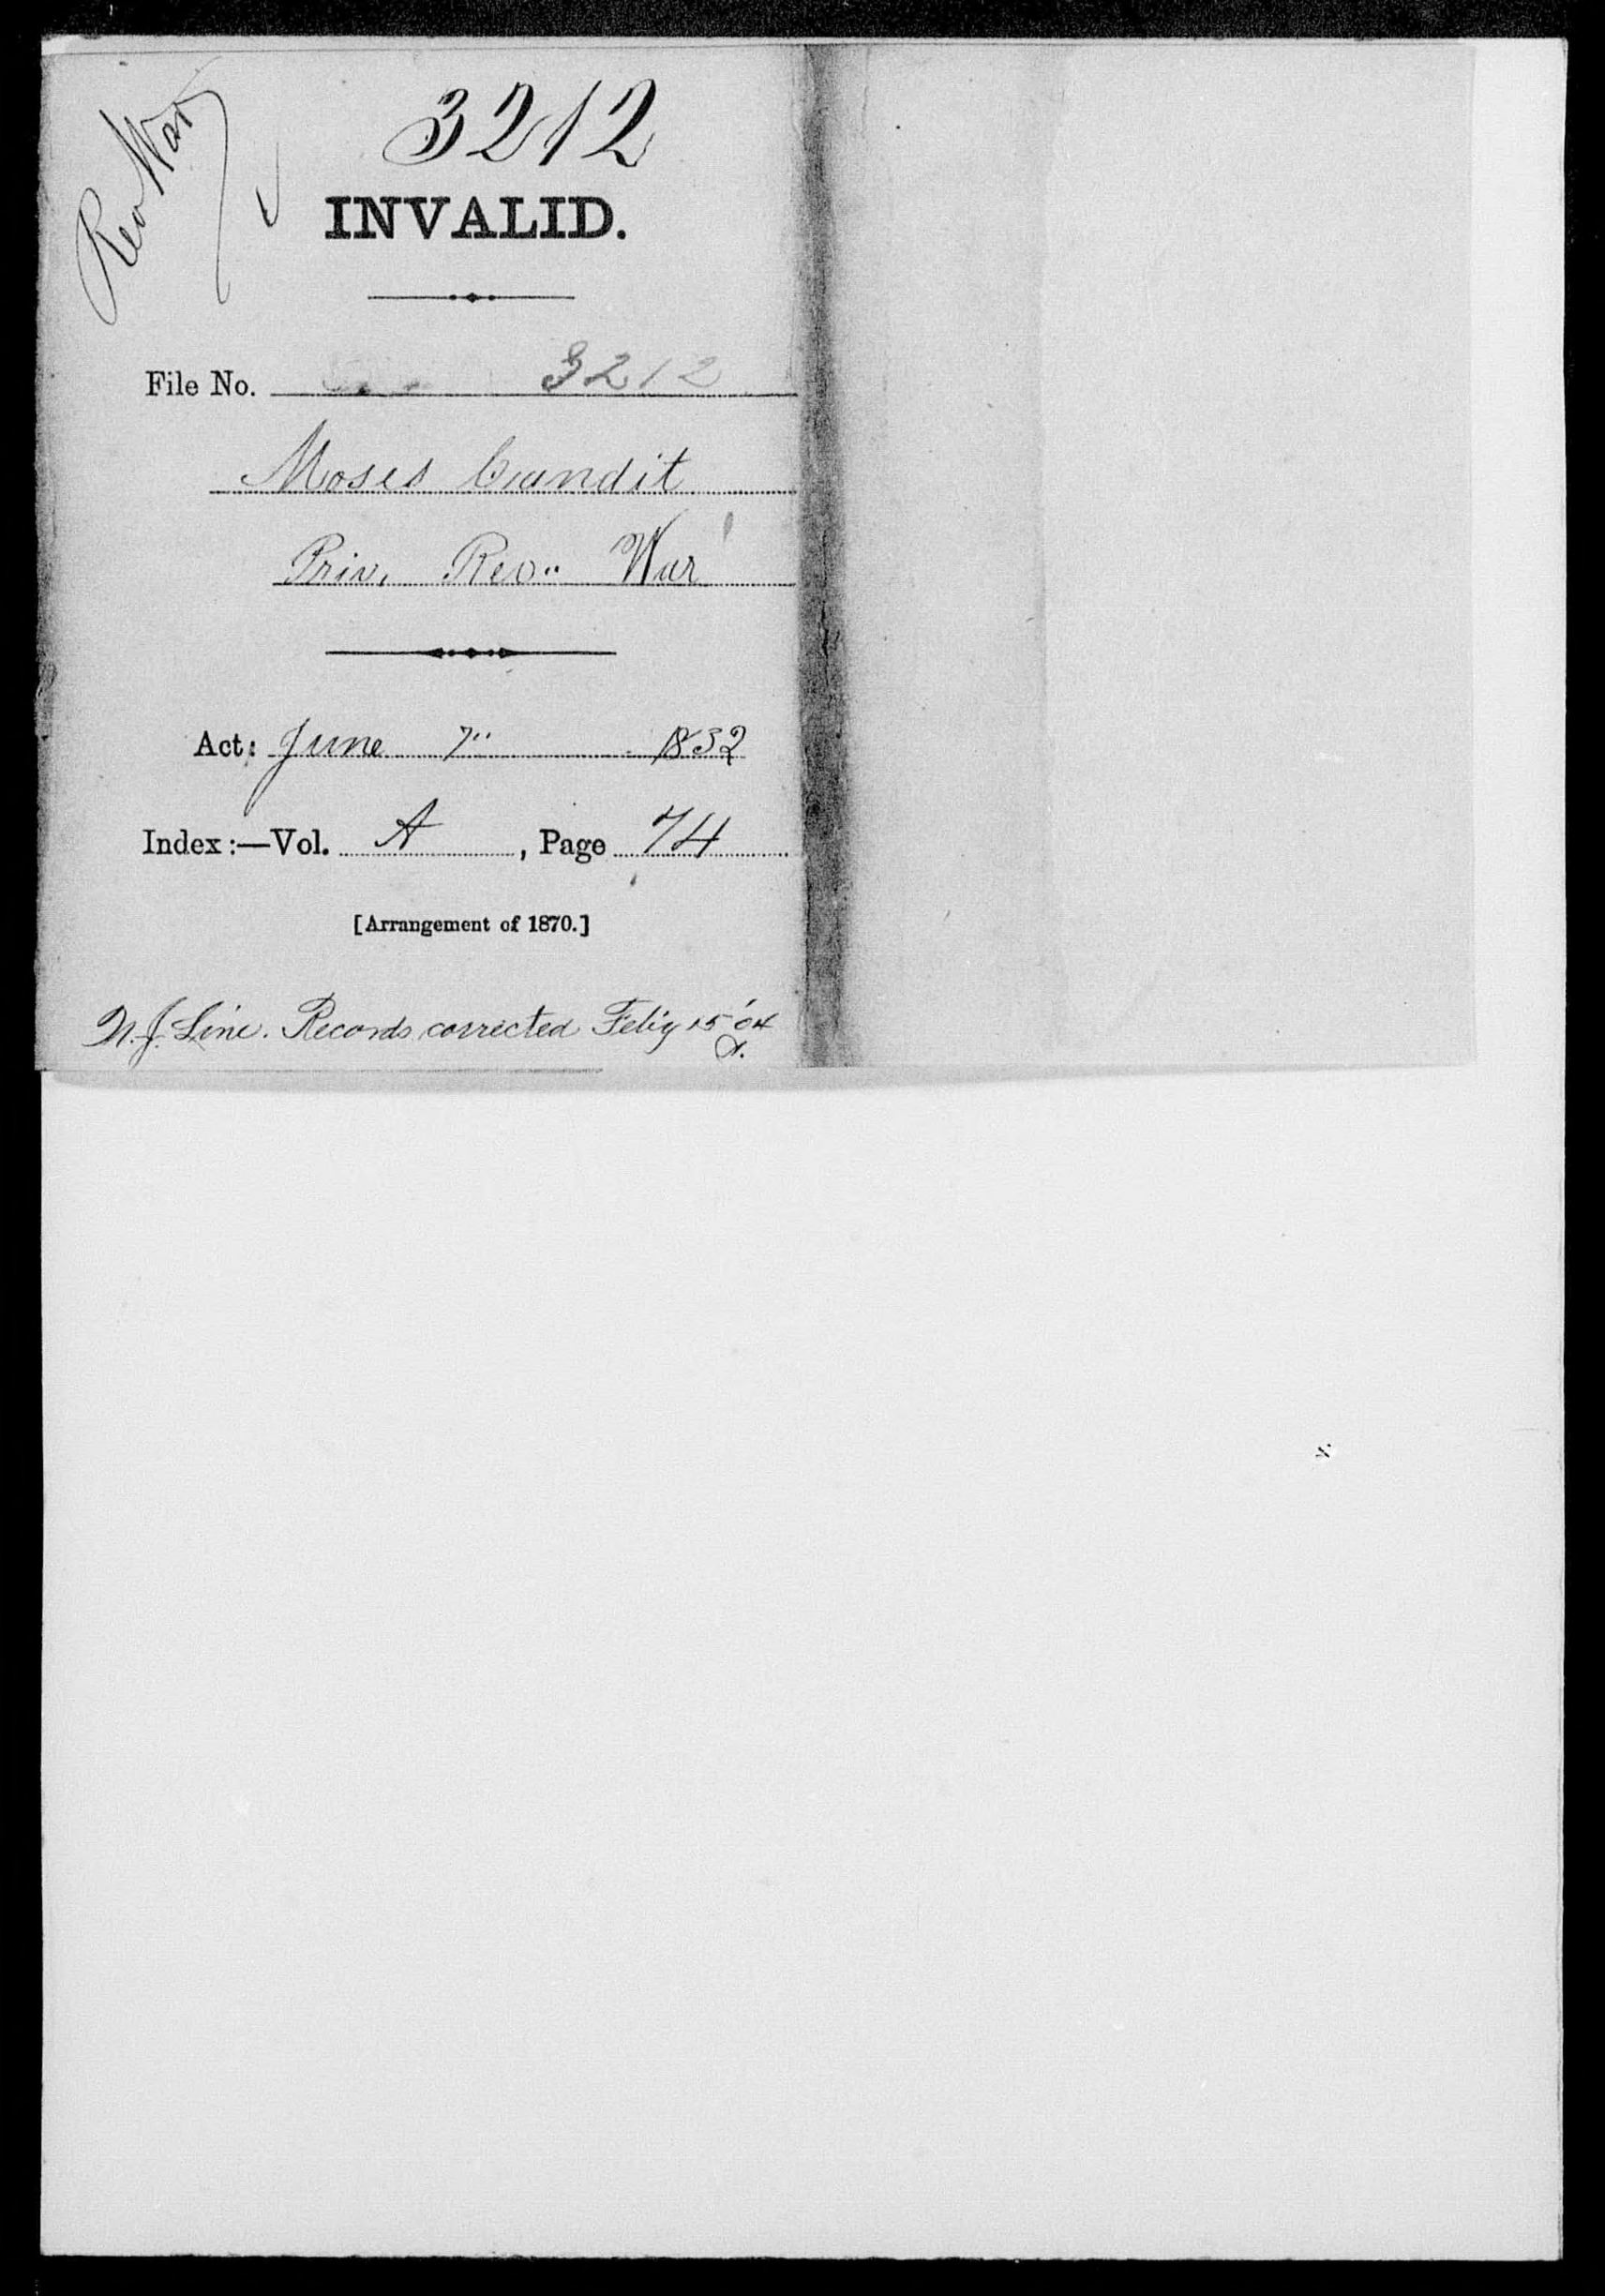Rev War
3212
INVALID
File No. 3212
Moses Condit
Priv. Rev. War
Act: June 2 1832
Index: - Vol. A, Page 74
[Arrangement of 1870.]
N.J. Line Records correction  Feb'y 15 '04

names: Moses Condit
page: 10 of 23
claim: survivor's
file: S. 3212, Moses Condit, New Jersey